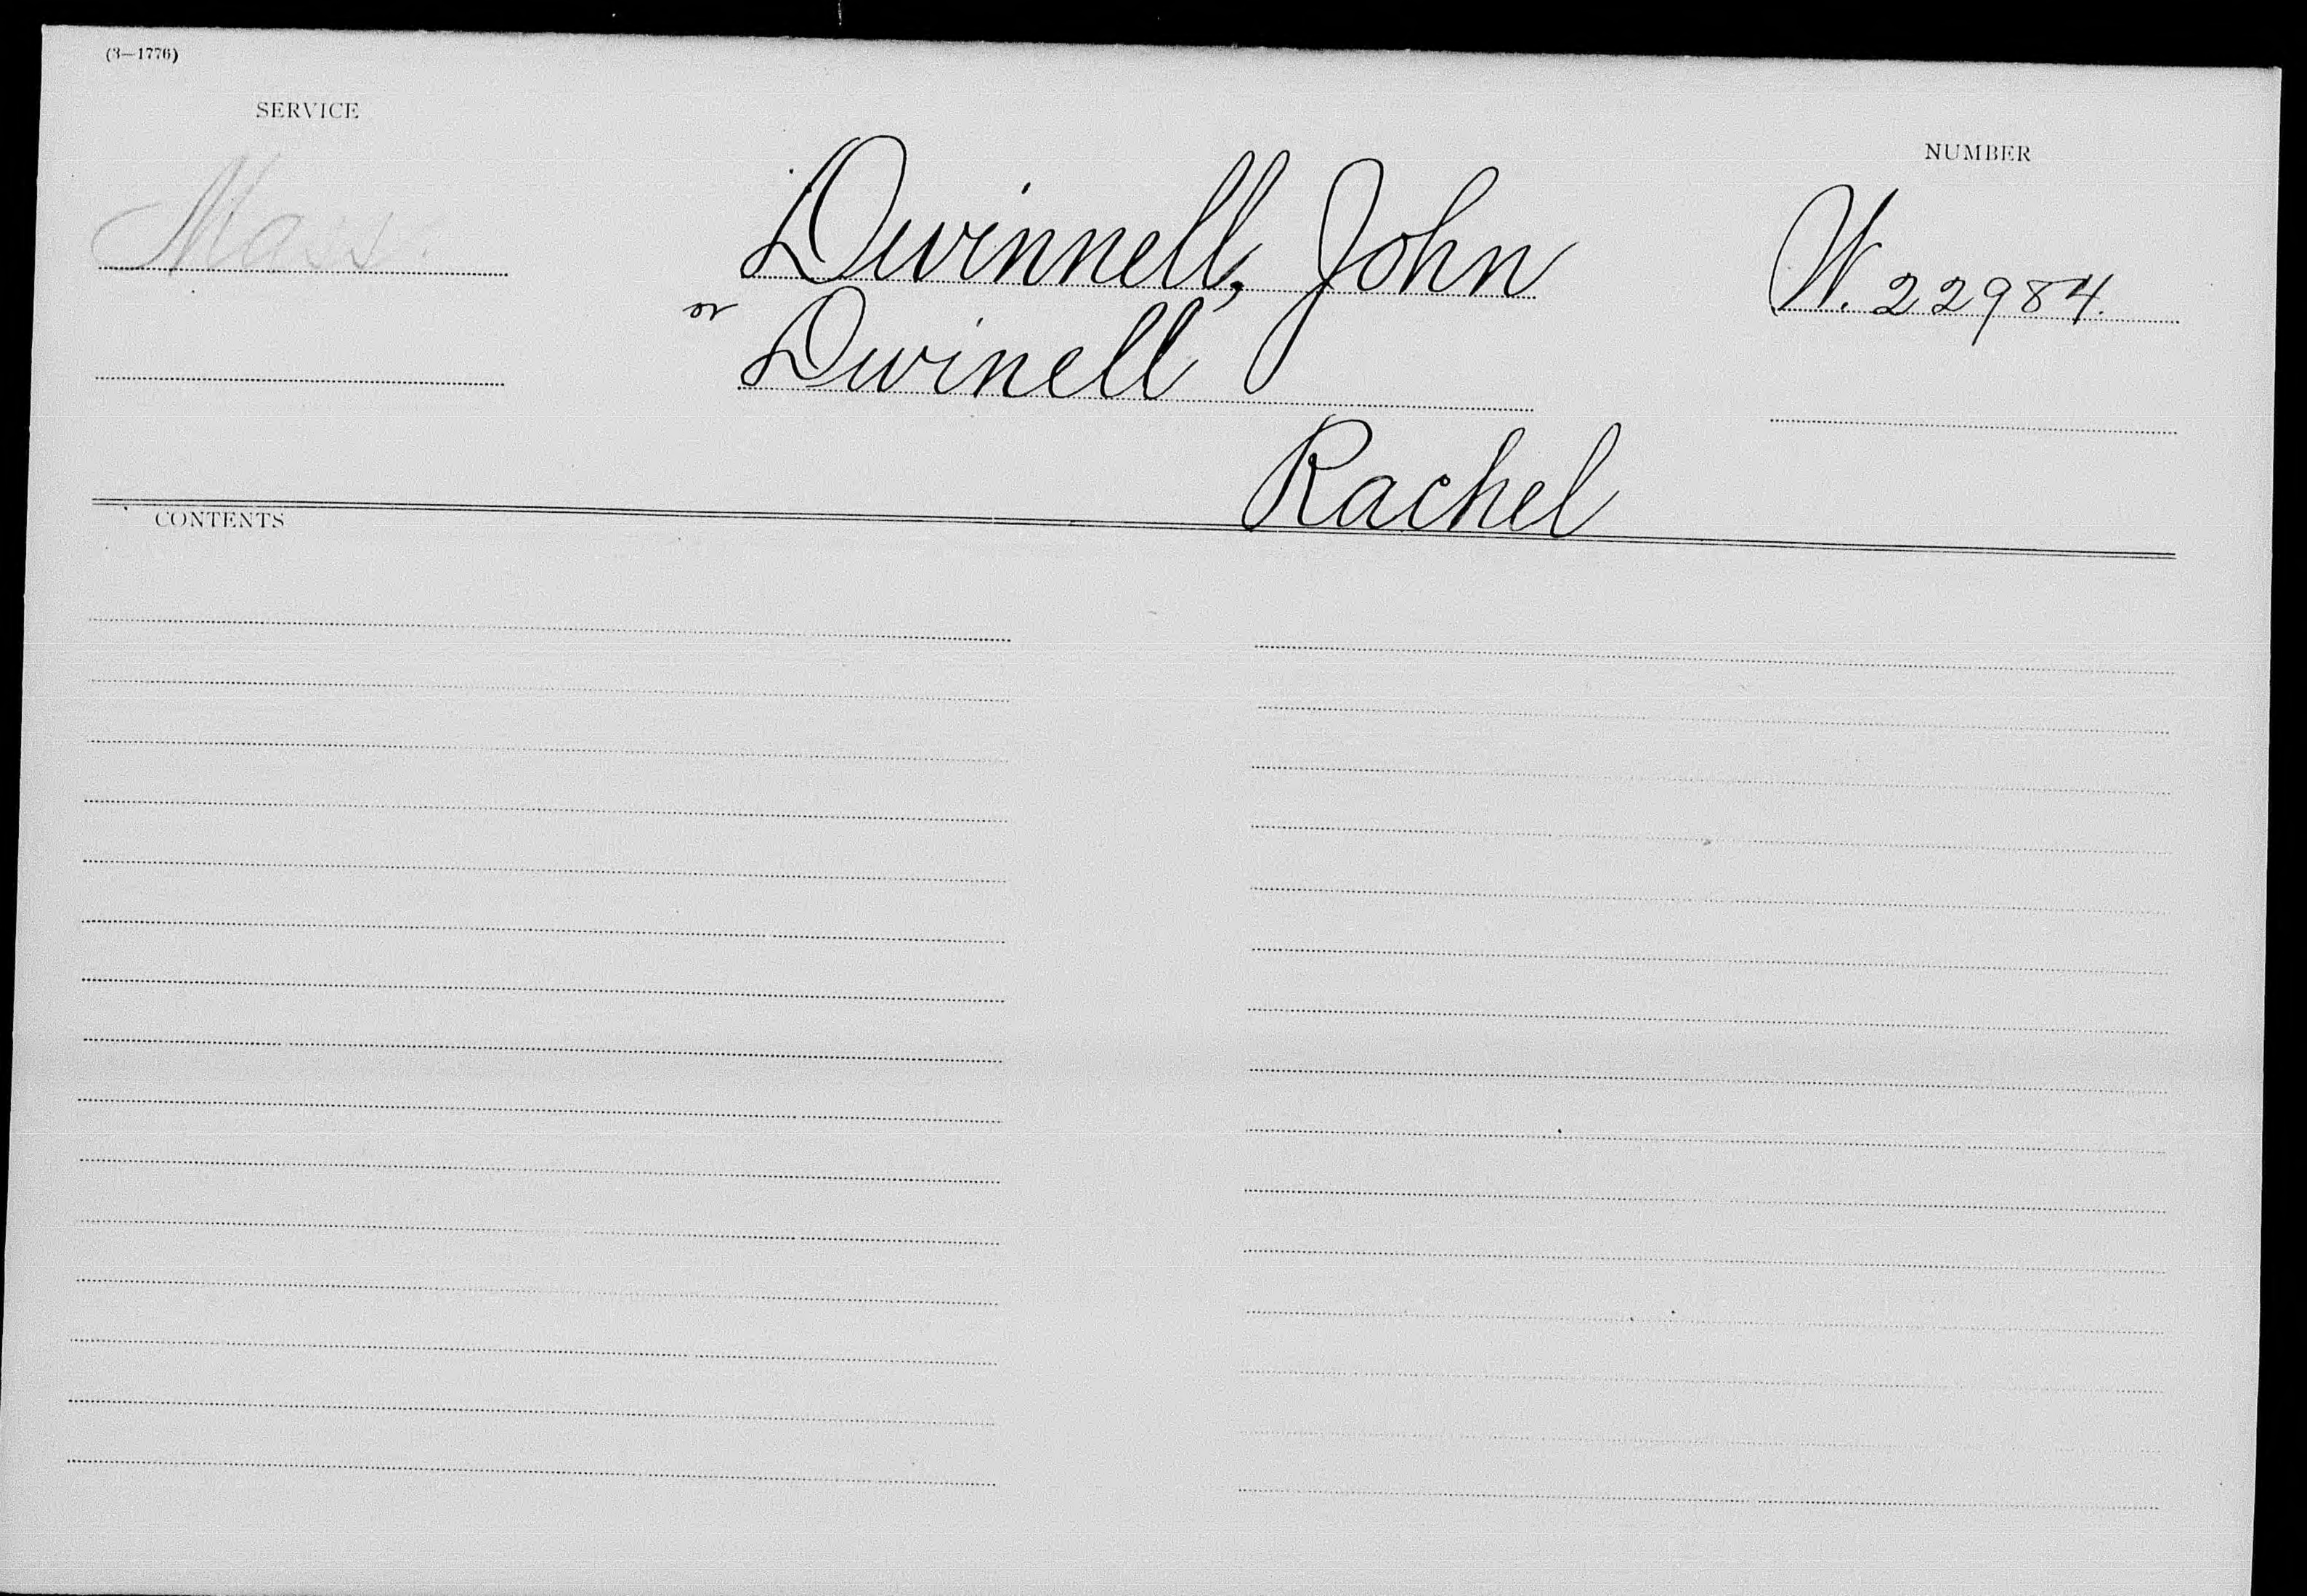Mass.
Dwinnell, John
Dwinell
Rachel
W. 22984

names: John Dwinell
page: 1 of 22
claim: widow's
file: W. 22984, John Dwinnell, Mass.